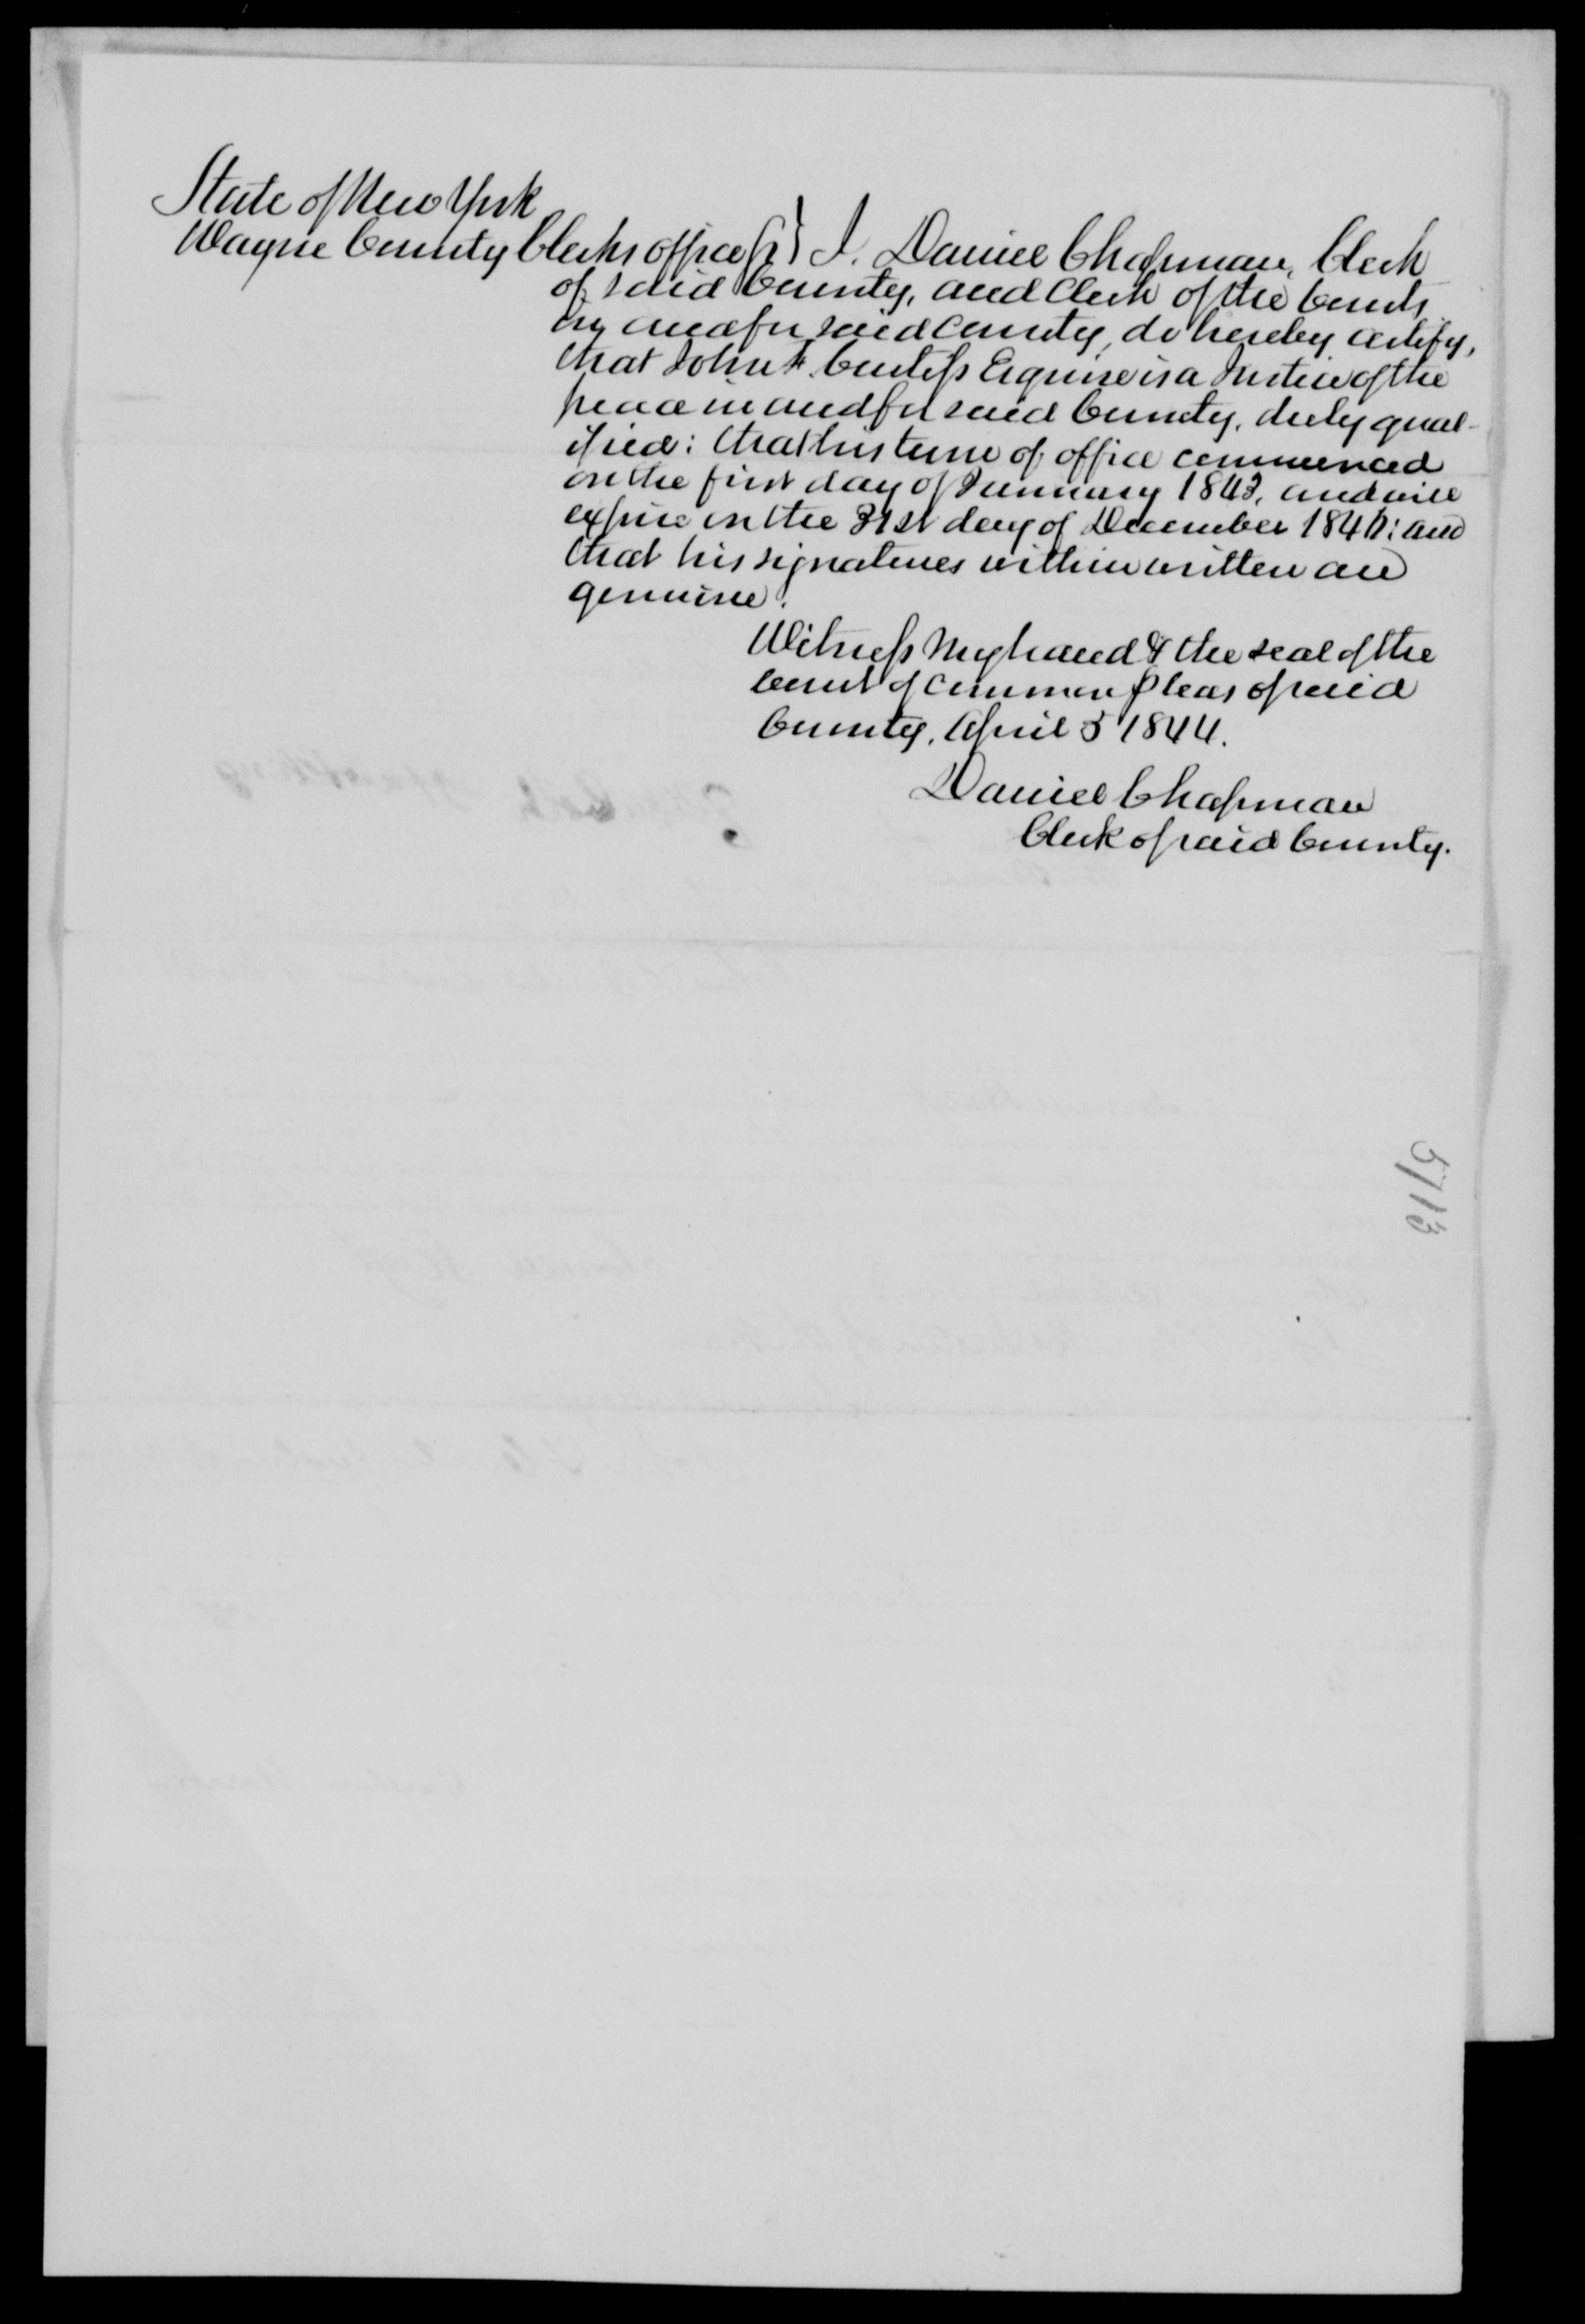State of New York
Wayne County Clerks Office

I Daniel Chapman, Clerk of said County and Clerk of the courts in and for said county do hereby certify that John F Curtiss Esquire is a Justice of the Peace in and for said County, duly qualified that his time of office commenced on the first day of January 1843, and will expire on the 31st day of December 1844(?) and that his signatures within or written are genuine.  Witness my hand & the seal of the Court of Common Pleas of said county, April 5, 1844, David Chapman, Clerk of said County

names: Daniel Chapman, John F Curtiss, Daniel Chapman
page: 50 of 66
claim: widow's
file: W. 19588, William Walling, New Jersey